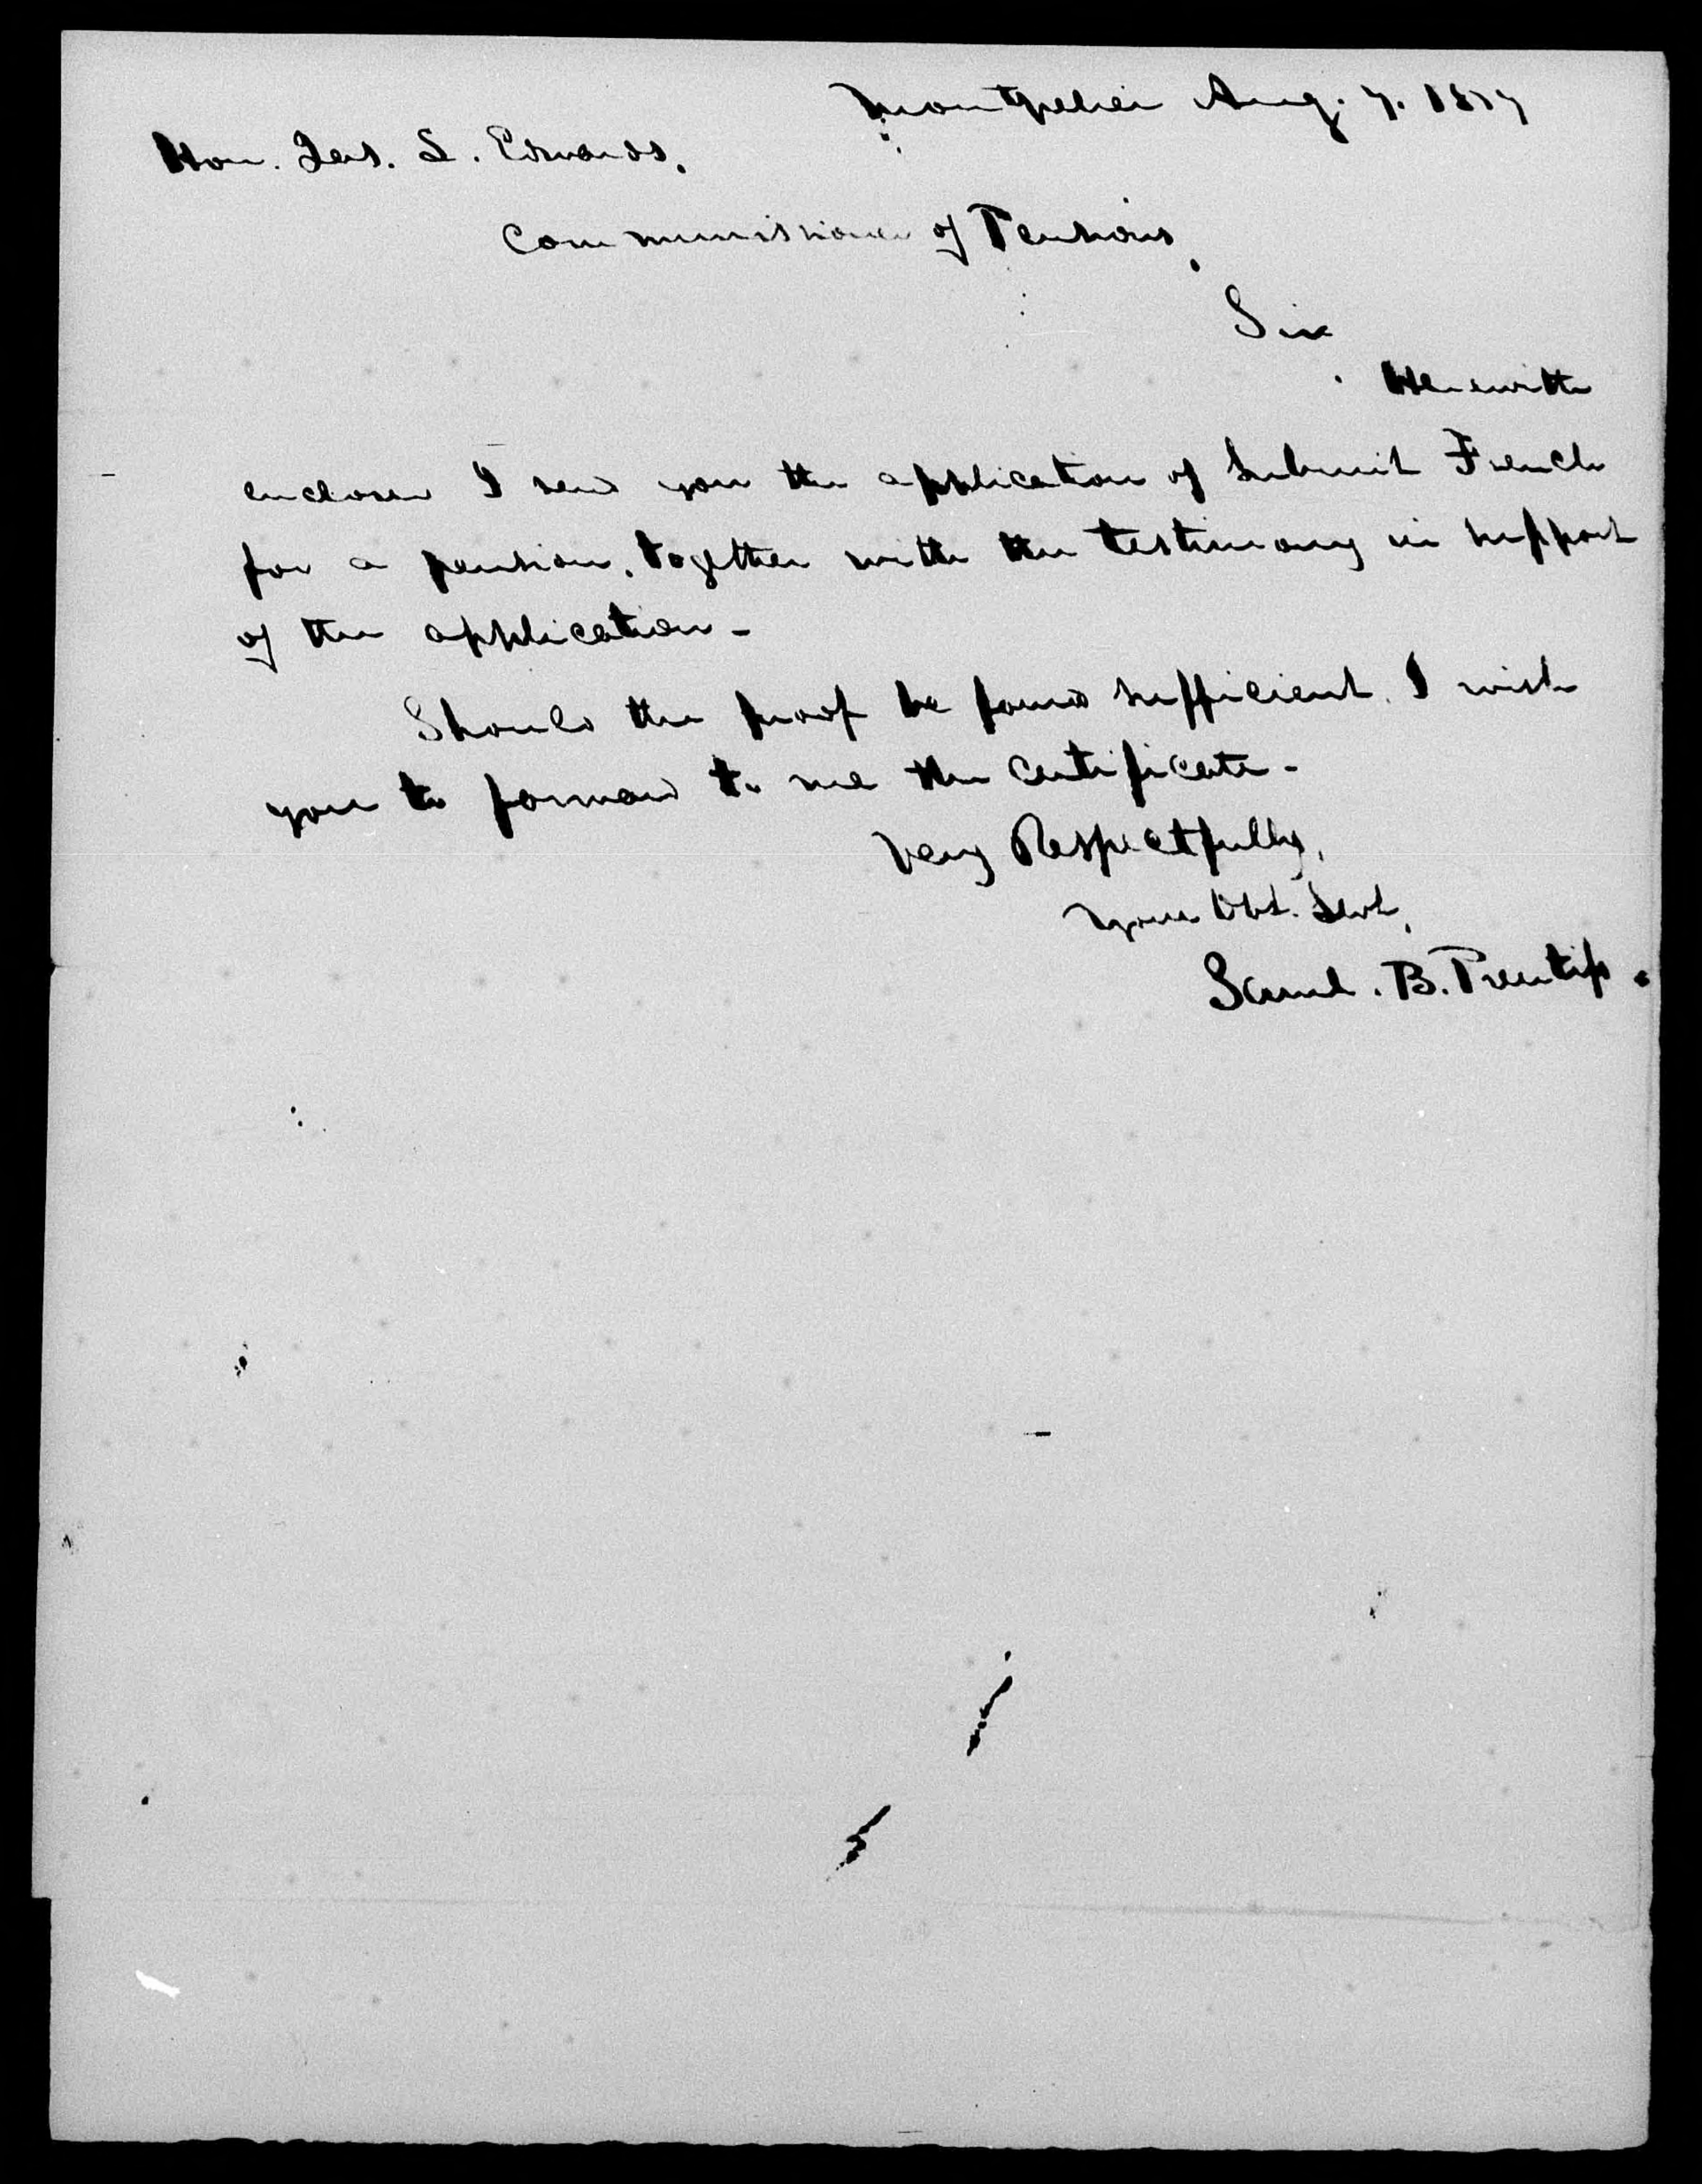Montpeier   Aug. 7. 1837

Hon. Jas. L. Edwards,
Commissioner of Pensions,

Sir

Herewith enclosed I send you the application of Submit French for a pension, together with the testimony in support of the application--

Should the proof be found suffiient, I wish you to forward to me the certificate--

Very Respectfully,
Your Obt. Servt.
Saml. B. Prentifs.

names: Submit French, Jas L Edwards, Saml B Prentiss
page: 18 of 18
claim: widow's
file: W. 21,147, Nehemiah French, Mass. Or N.H.